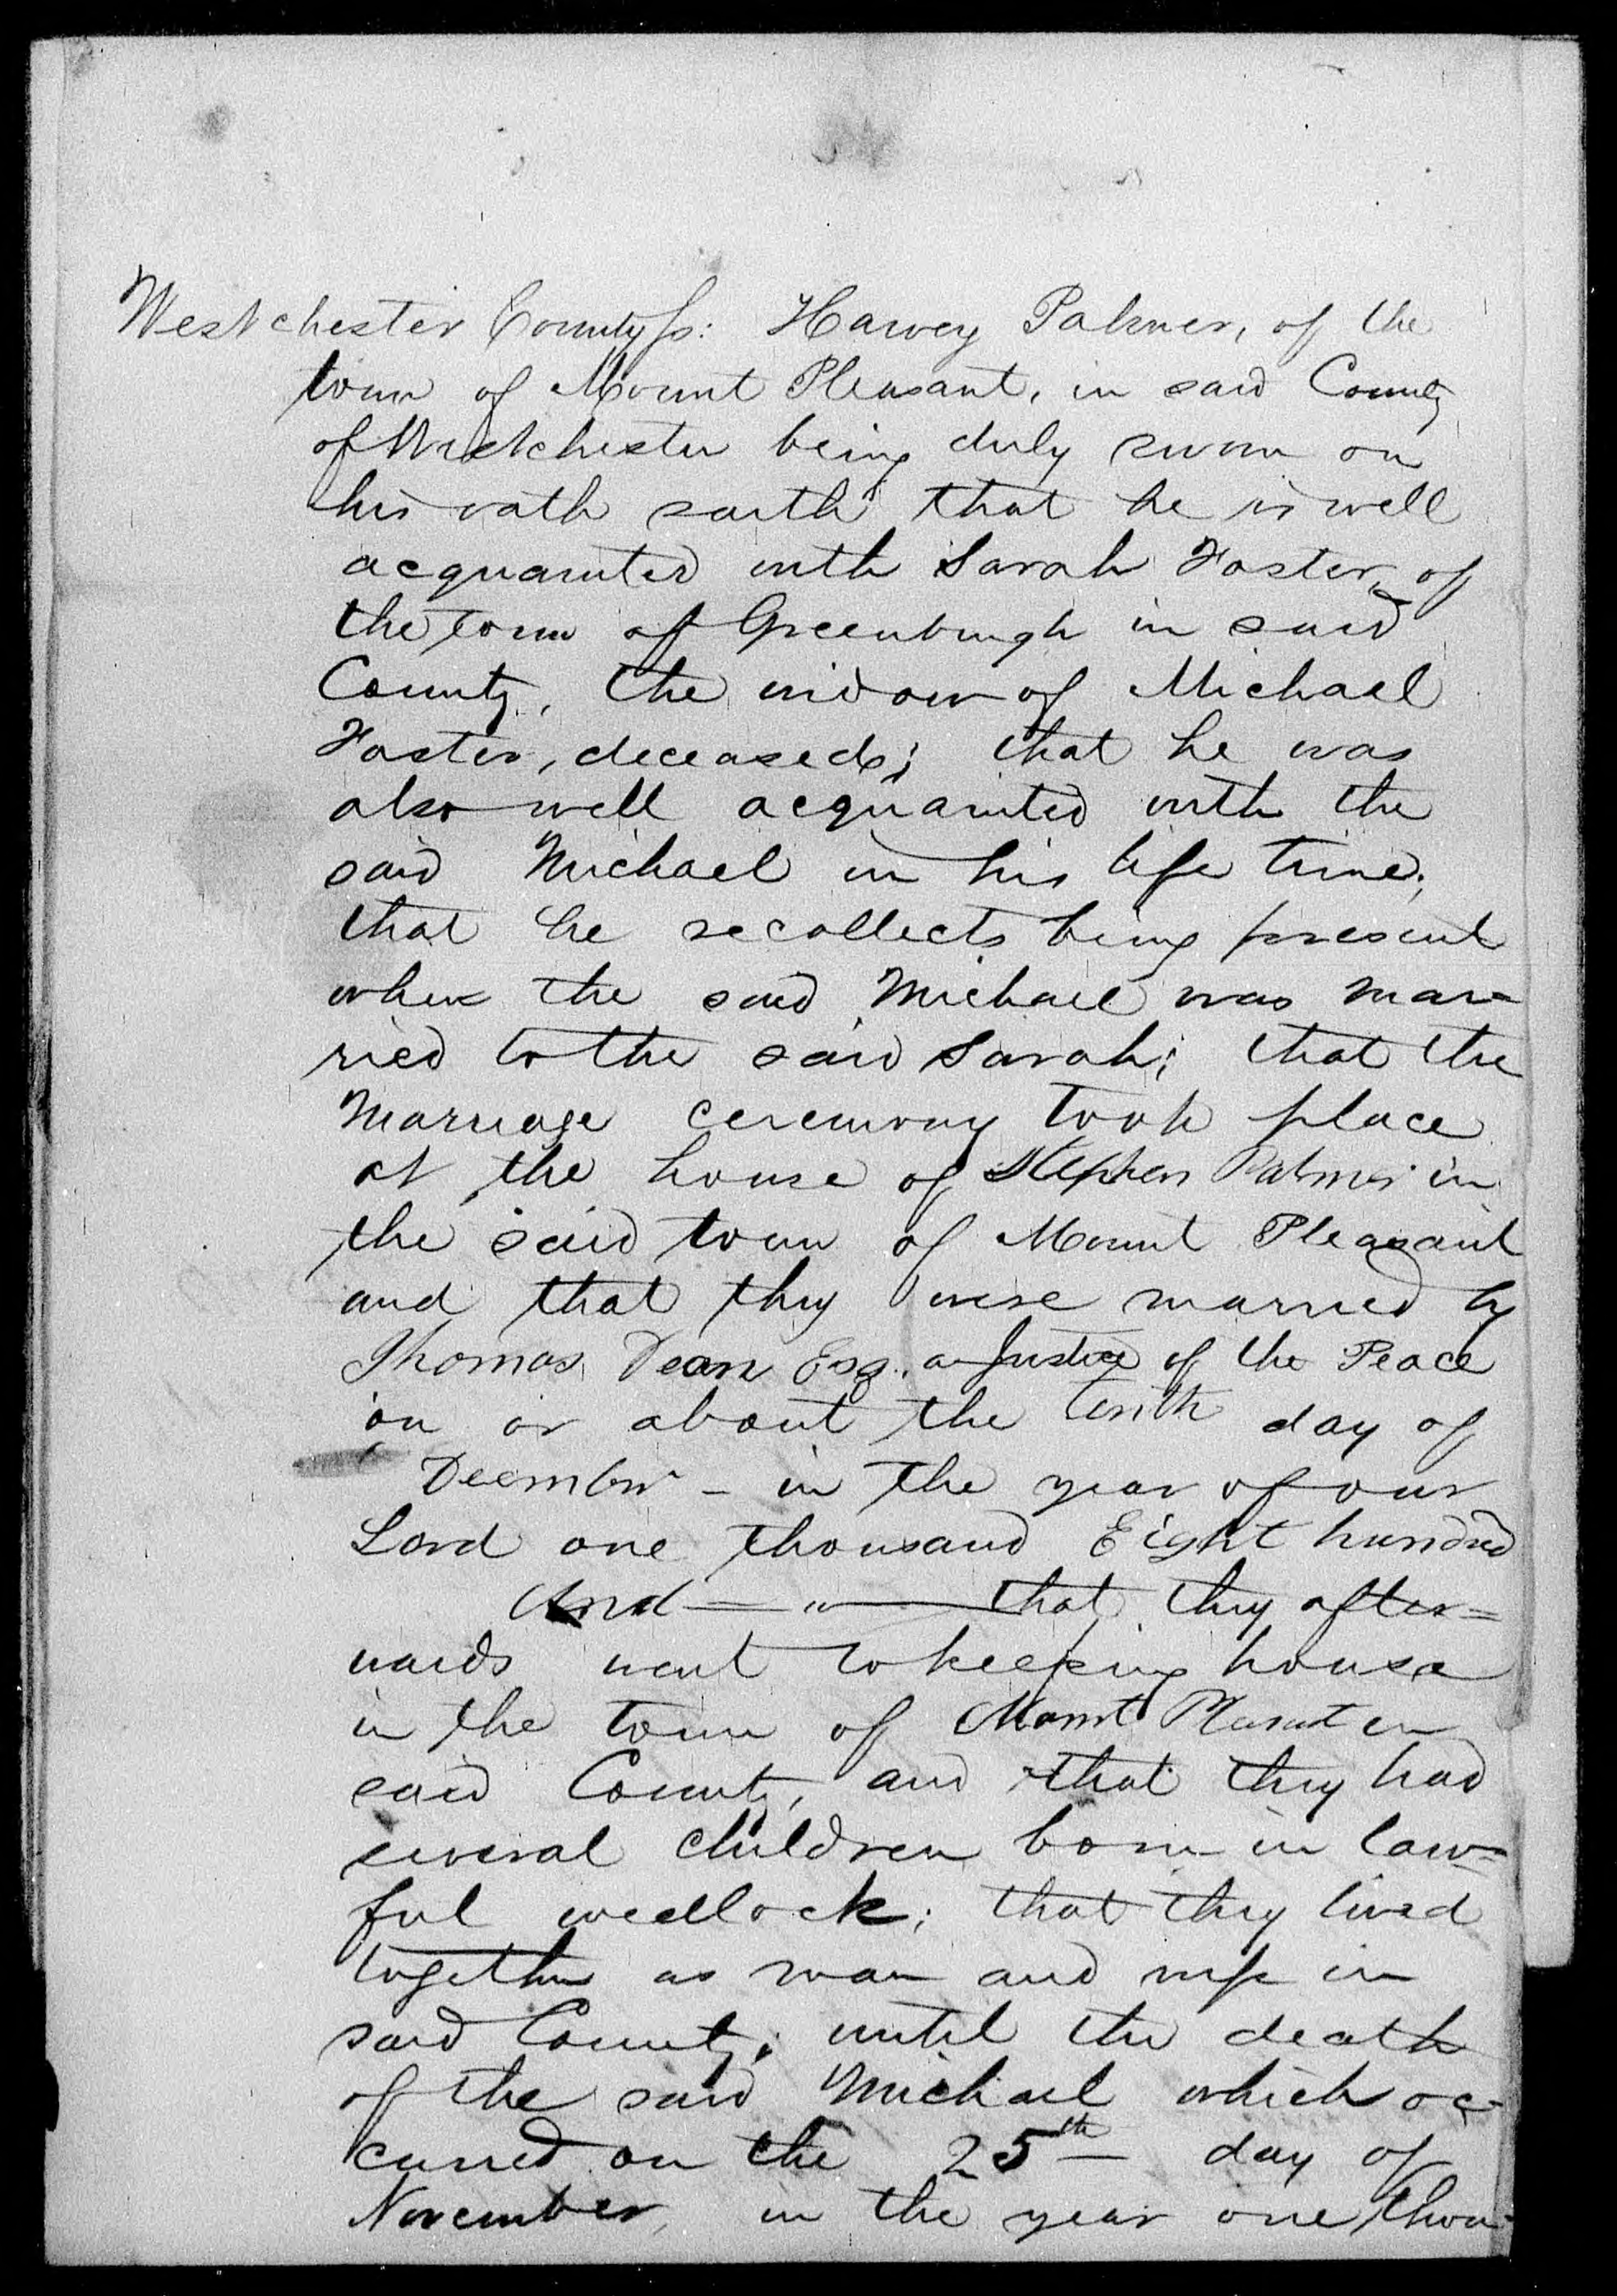Westchester County SS: Harvey Palmer, of the town of Mount Pleasant, in said County of Westchester being duly sworn on his oath saith that he is well acquainted with Sarah Foster of the town of Greenburgh in said County, the widow of Michael Foster, deceased: that he was also well acquainted with the said Michael in his life time; that he recollects being present when the said Michael was married to the said Sarah; that the Marriage ceremony took place at the house of Stephen Palmer in the said town of Mount Pleasant and that they were married by Thomas Dean Esq. a Justice of the Peace on or about the tenth day of December-in the year of our Lord one thousand Eight hundred And_____that they after wards went to keeping house in the town of Mount Pleasant in said County, and that they had several children born in lawful wedlock; that they lived together as man and wife in said County until the death of the said Michael which occurred on the 25th day of November in the year one thou-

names: Harvey Palmer, Michael, Michael Foster, Sarah Foster, Sarah, Michael, Michael, Thomas Dean, Stephen Palmer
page: 29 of 57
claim: widow's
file: W. 5275 1/2, Michael Foster, Penn.